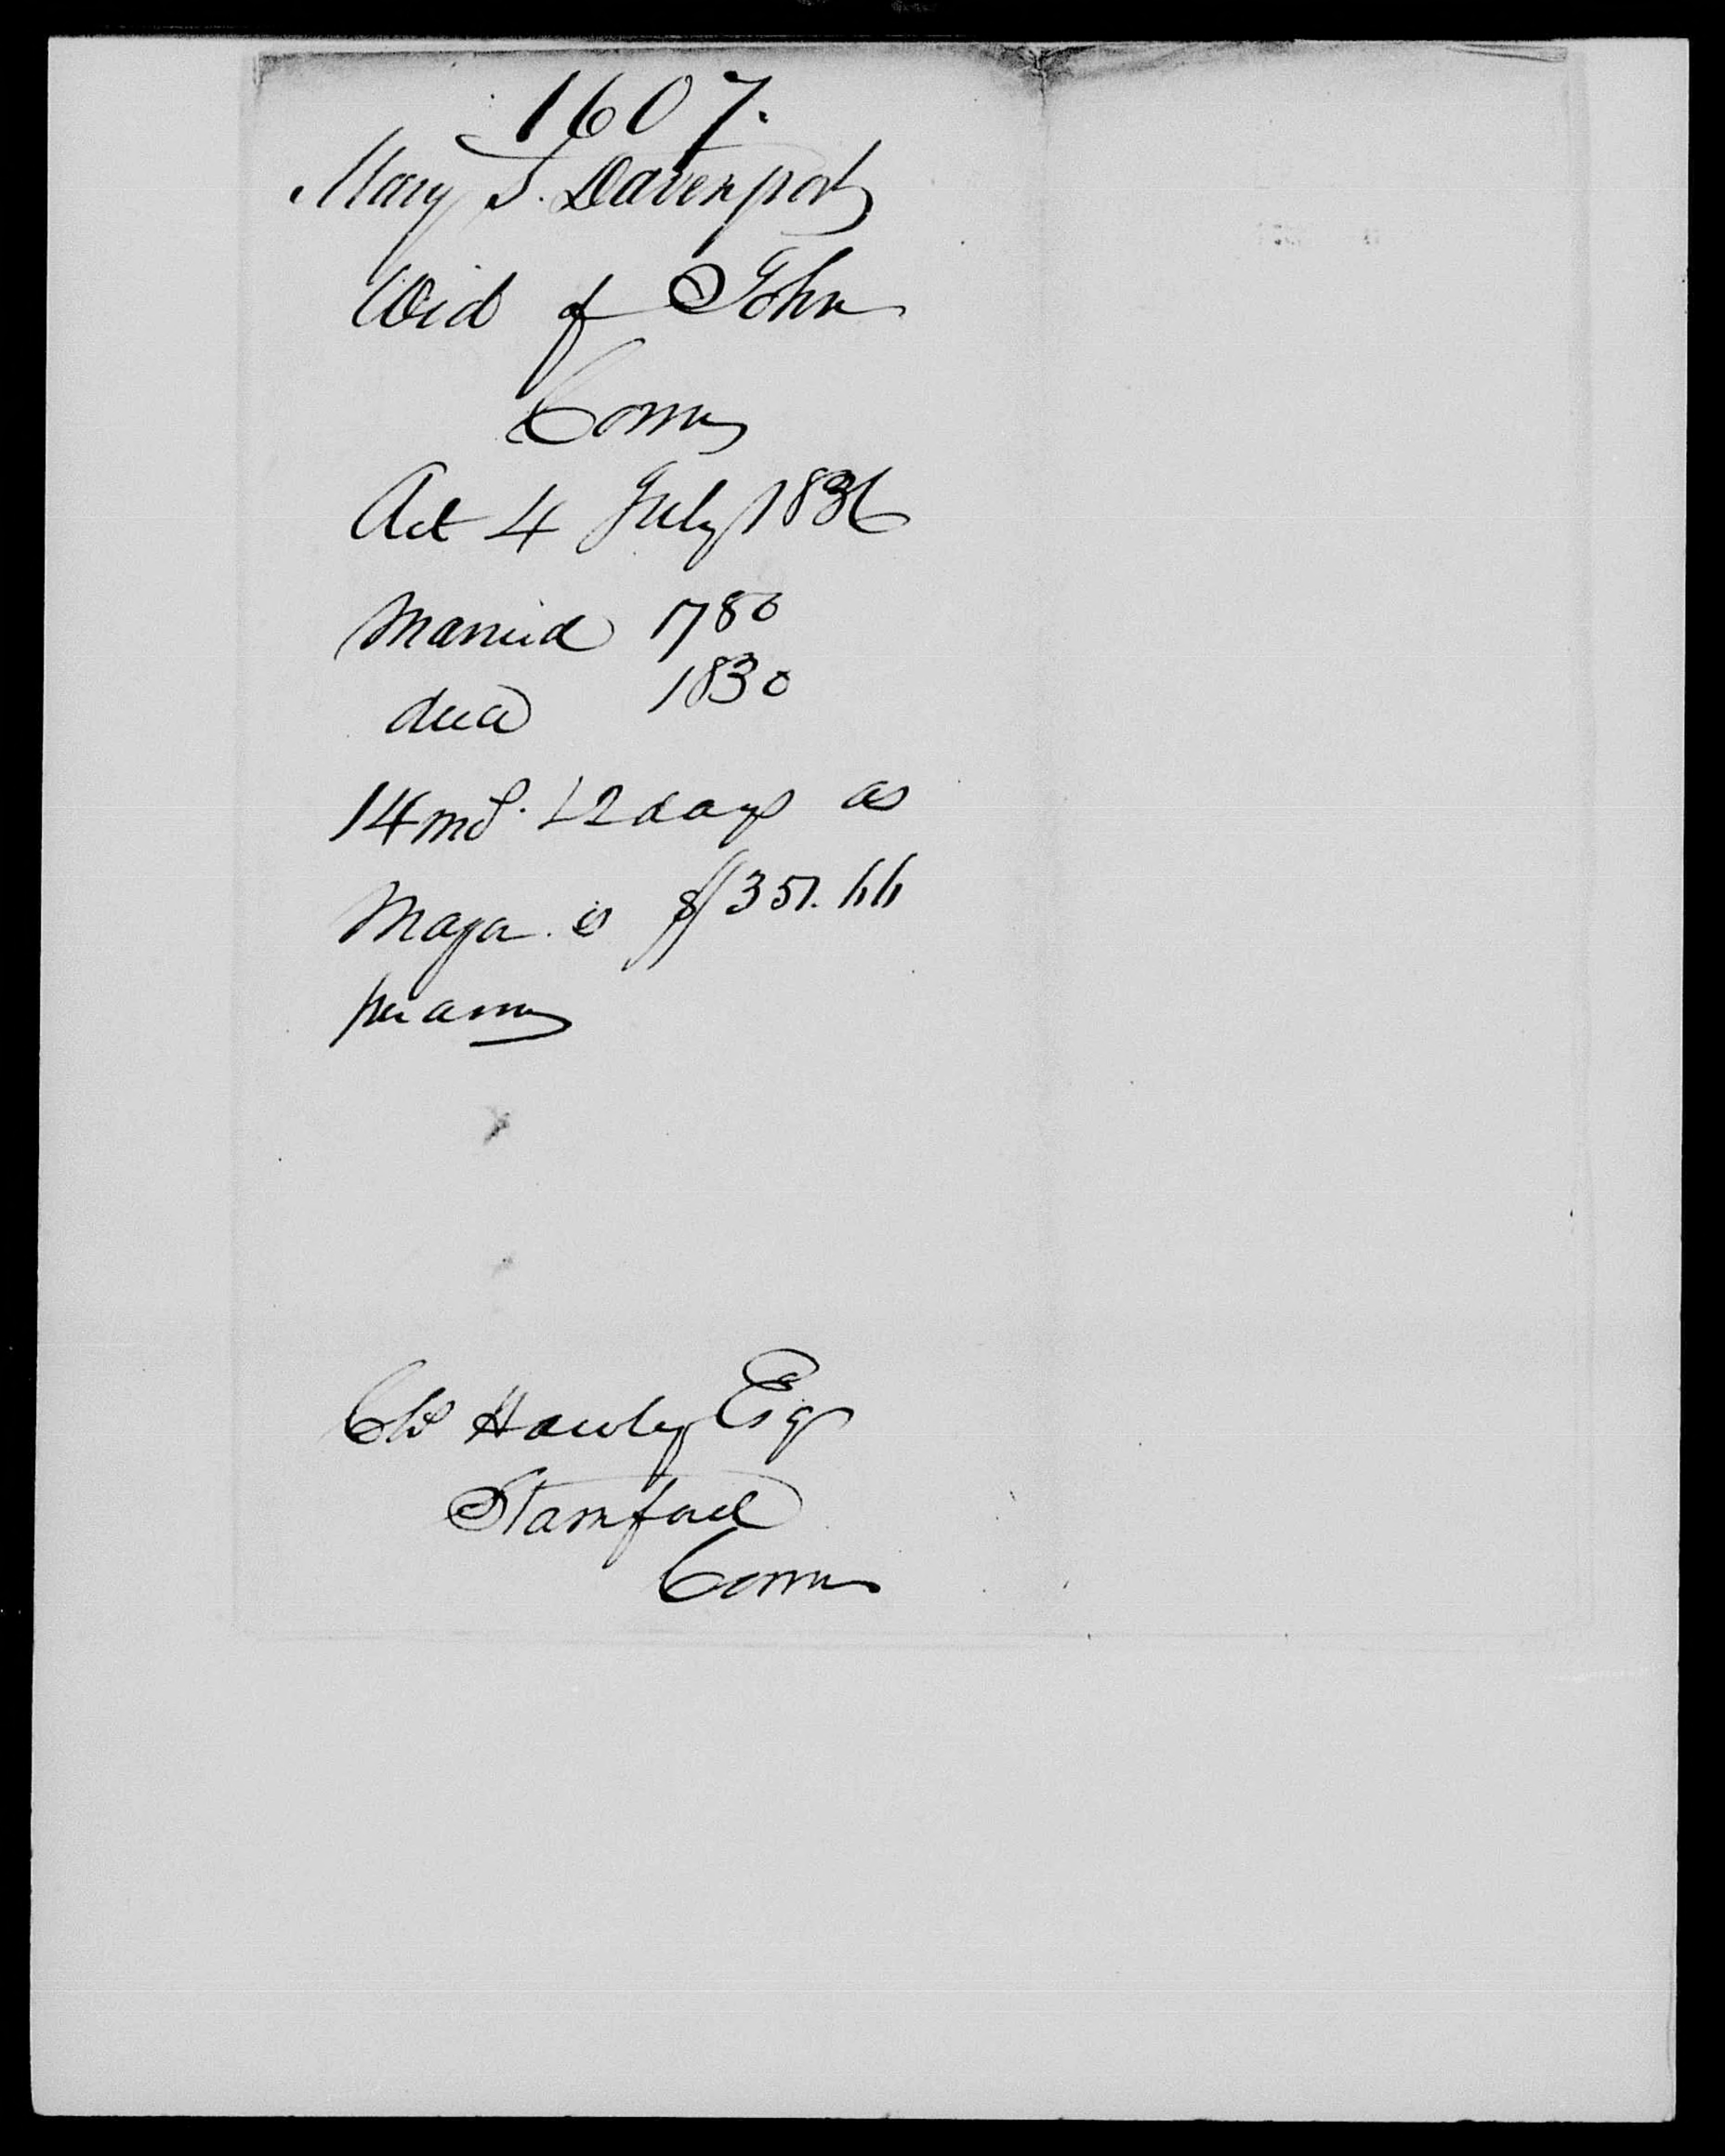1607 
Mary S. Davenport
Wid of John
Conn
Act 4 July 1836
Married 1780
Died 1830
14 mos 12 days as
Major is $357
[illegible]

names: Chs Hawly, Mary S Davenport, John Davenport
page: 3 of 15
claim: widow's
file: W 17711, John Davenport, Conn.